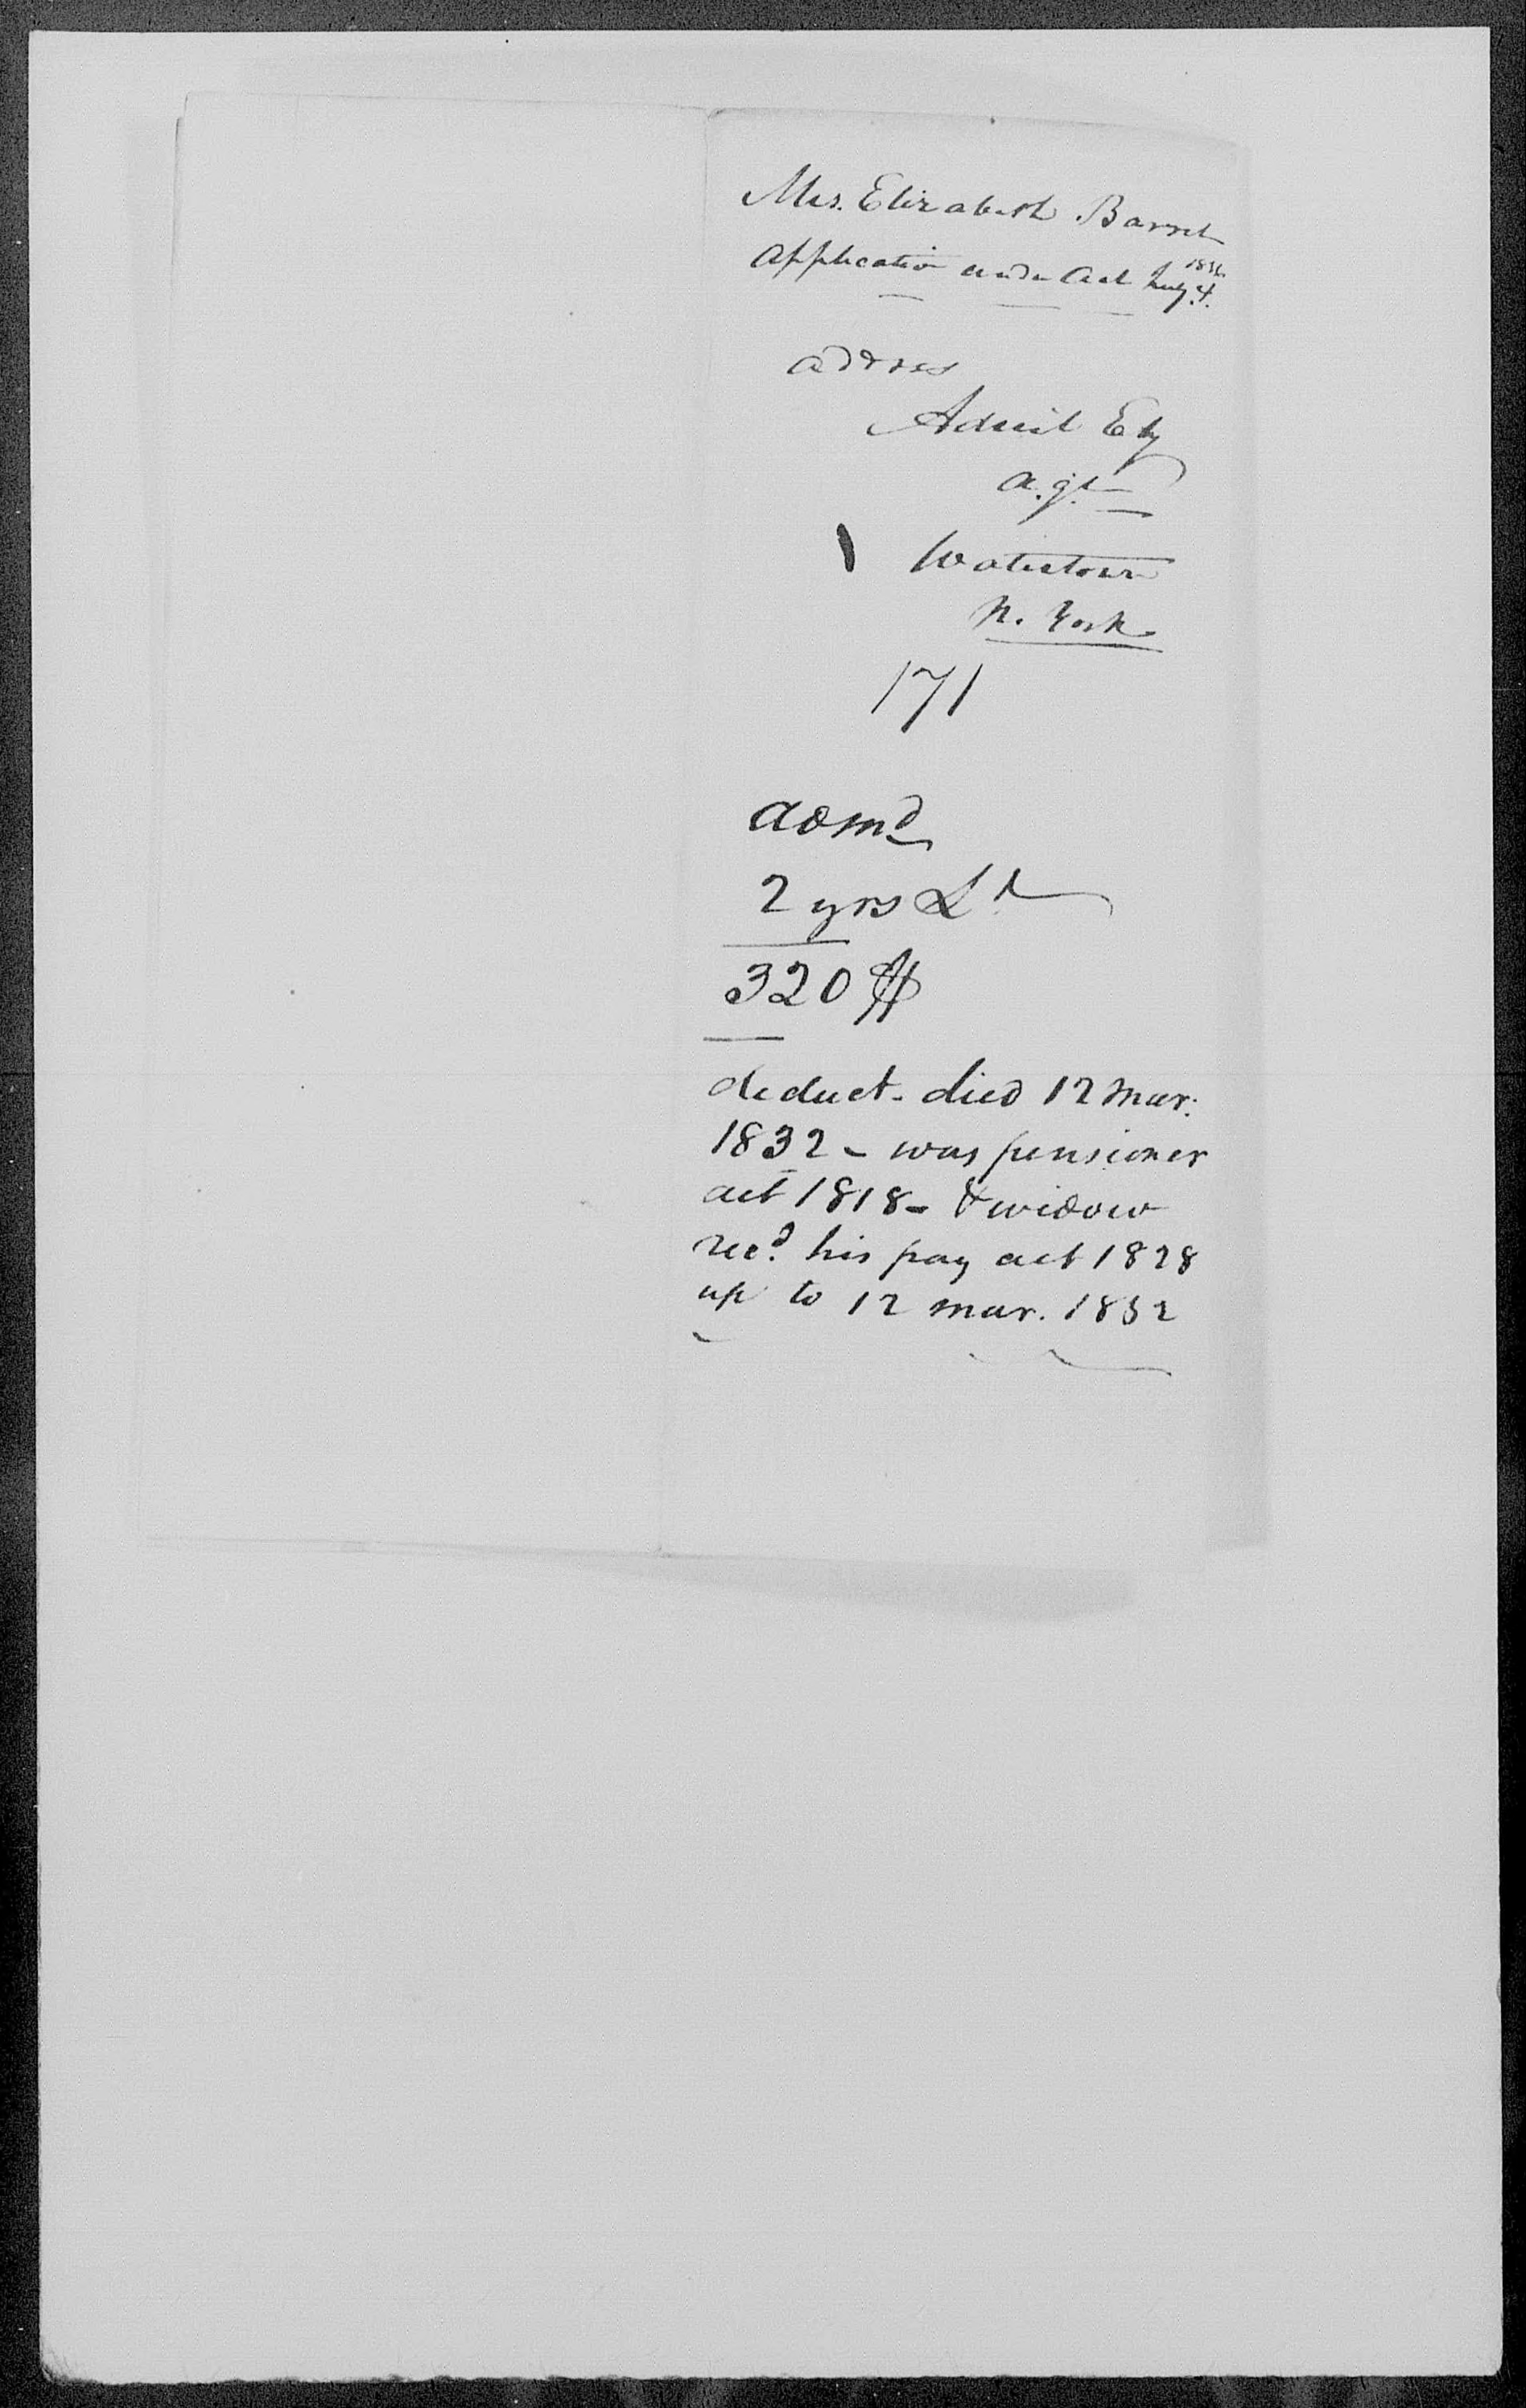Mrs. Elizabeth Barret
application made Act July 4 1836

address
Adriel Ely
agt
Watertown
N. York

171

aomd
2 years S.T

320 $

deduc died 12 Mar
1832 was pensioner 
Act 1818 and widow 
rec'd his pay act 1828
up to 12 Mar 1832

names: Elizabeth Barret, Adriel Ely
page: 8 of 83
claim: widow's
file: W. 10,384, Oliver Barrett, Continental (Vt.) N.Y.